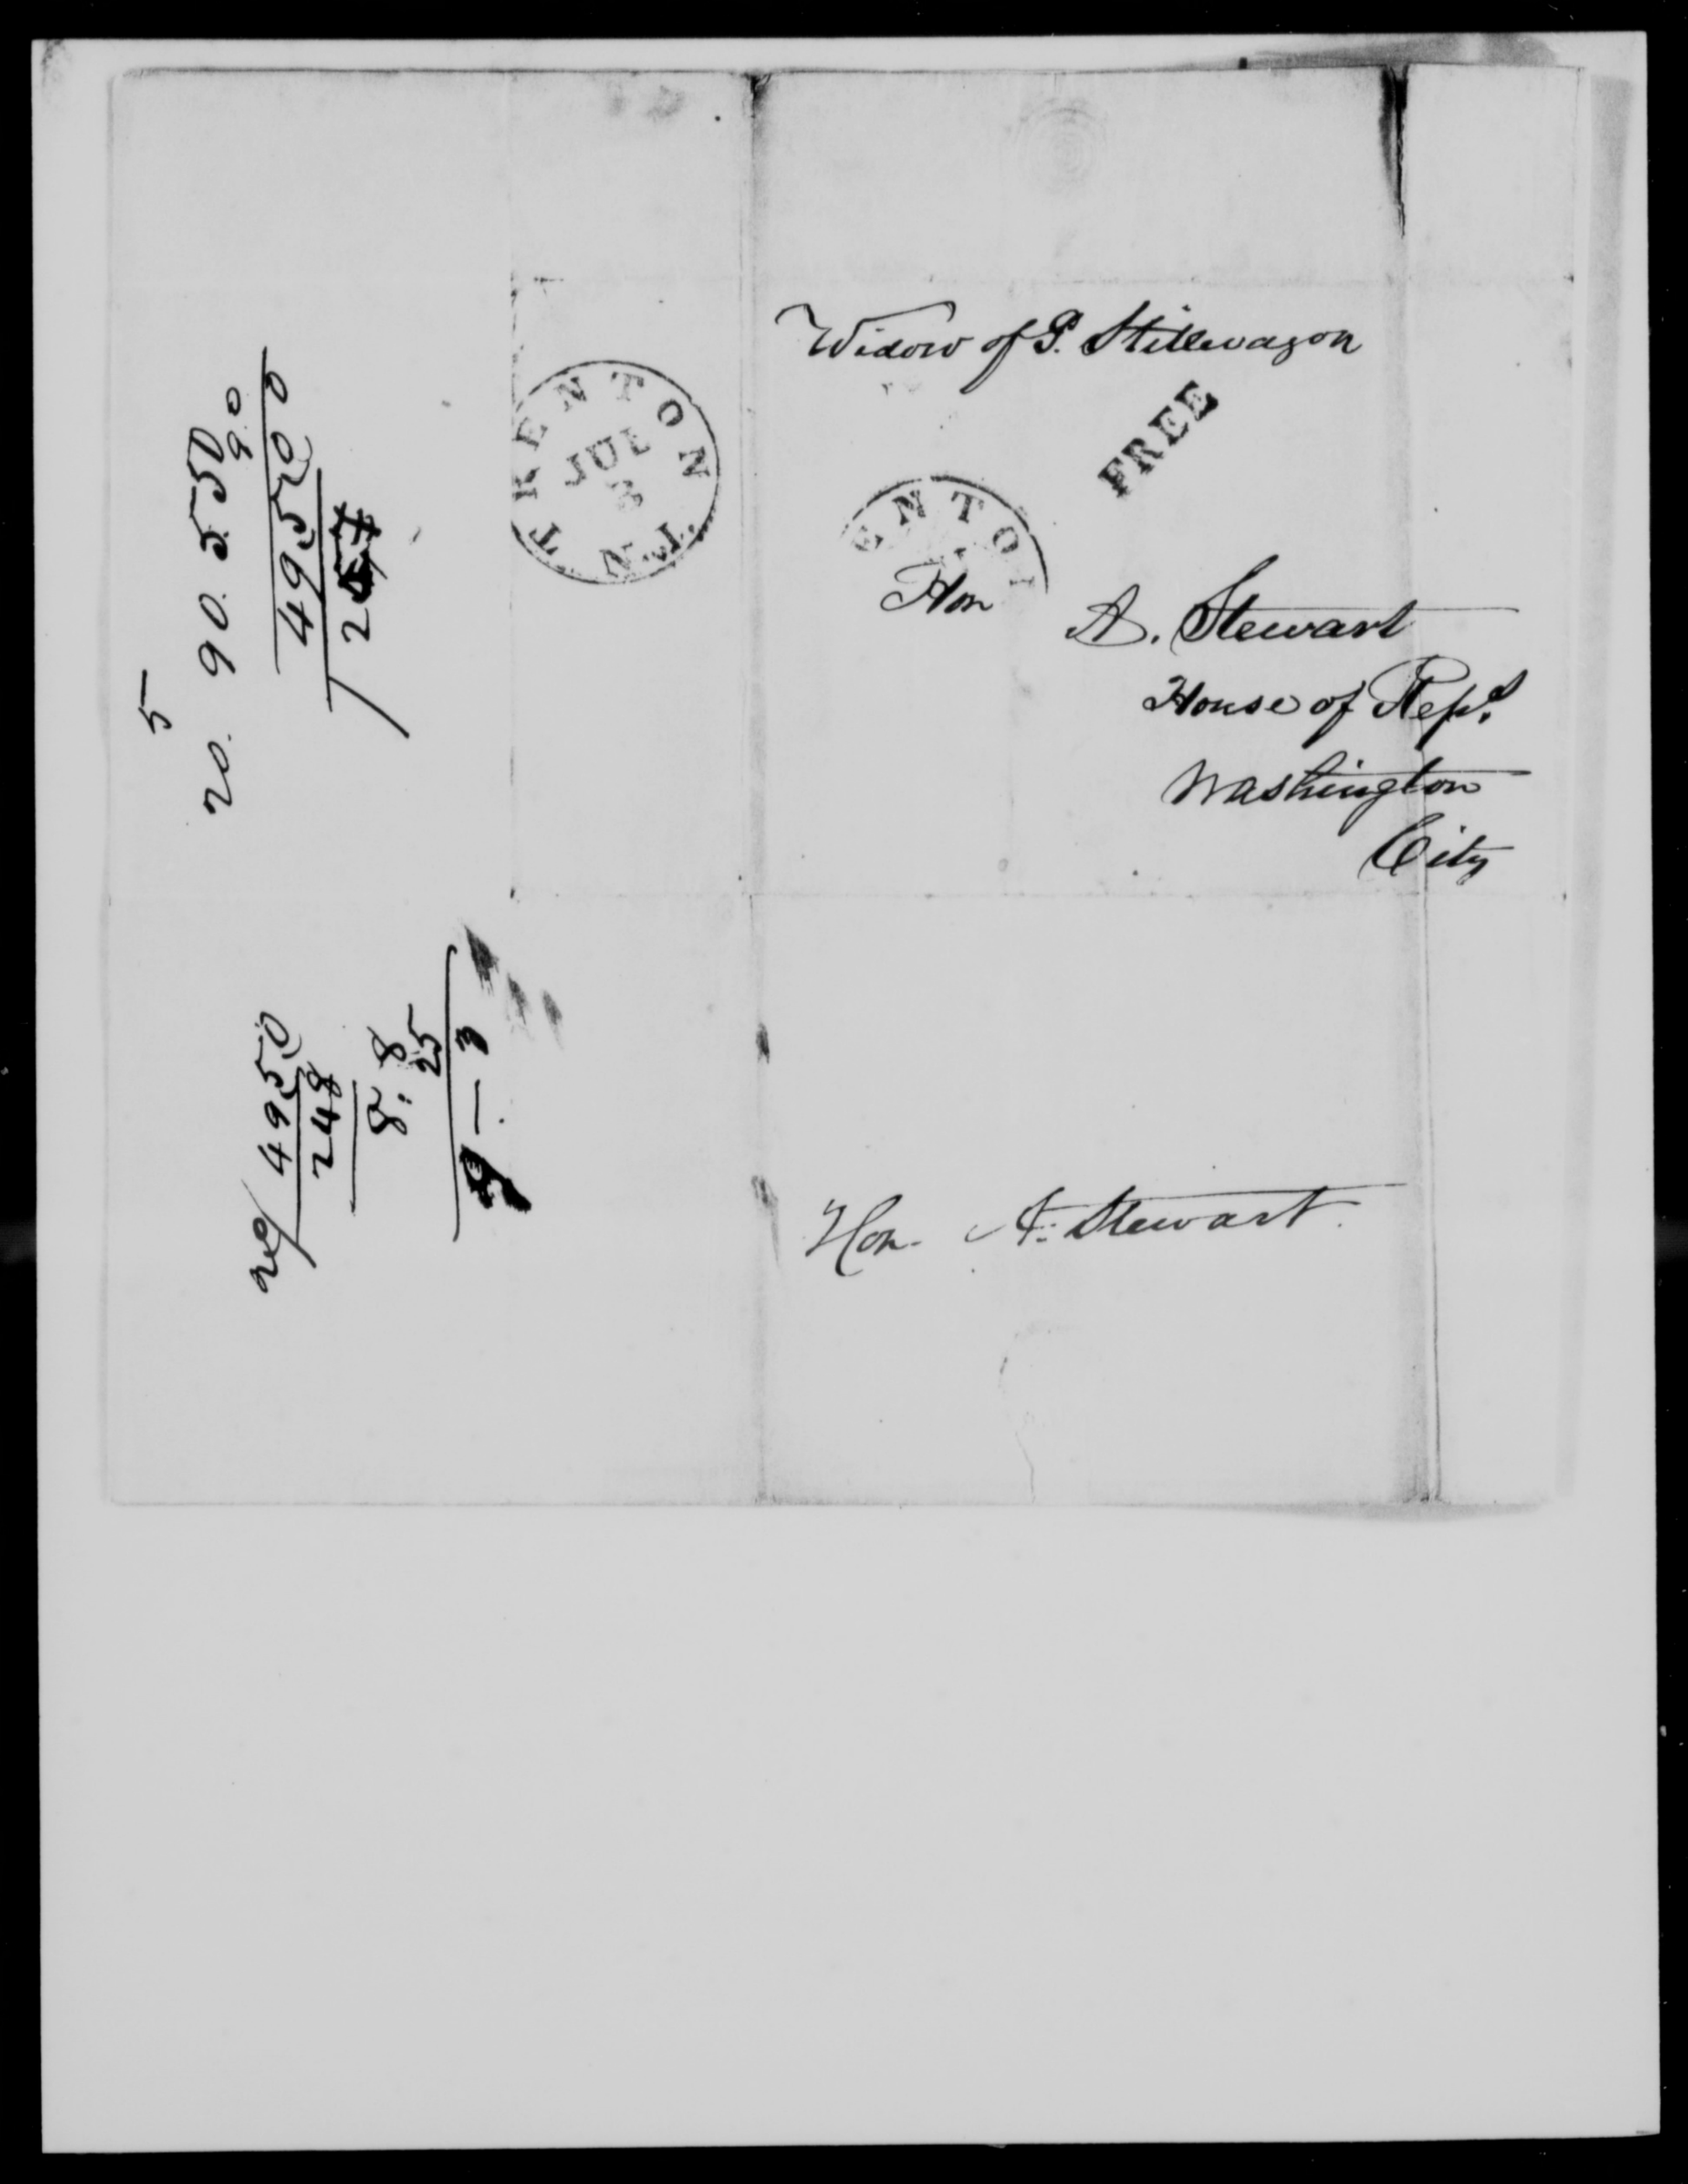[Handwritten vertically on left side of page beginning at bottom of page]
[illegible]/ 49 50 [little curved lines under the 50 perhaps indicate cents]
	  248
	   8.8
________25______
	[illegible]

5
20.	90.550
	________90
	49 50 [little curved lines under the 50 perhaps indicate cents]
	[diagonal line]  2[illegible numbers]
[Handwritten vertically on left side of page beginning at bottom of page]
[round stamp] Trenton N.J. Jul 3 [round stamp]
[on the right of the middle of the paper] Widow of P. Stillwagon
[partial round stamp, probably a duplicate of the above] ento [partial round stamp, probably a duplicate of the above]
[stamped] FREE [stamped]
Hon A. Stewart
House of Reps
Washington
City


Hon. A. Stewart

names: A Stewart; G Stillwagon; A Stewart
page: 28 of 73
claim: widow's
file: W. 3197, for Peter Stillwagon, New Jersey